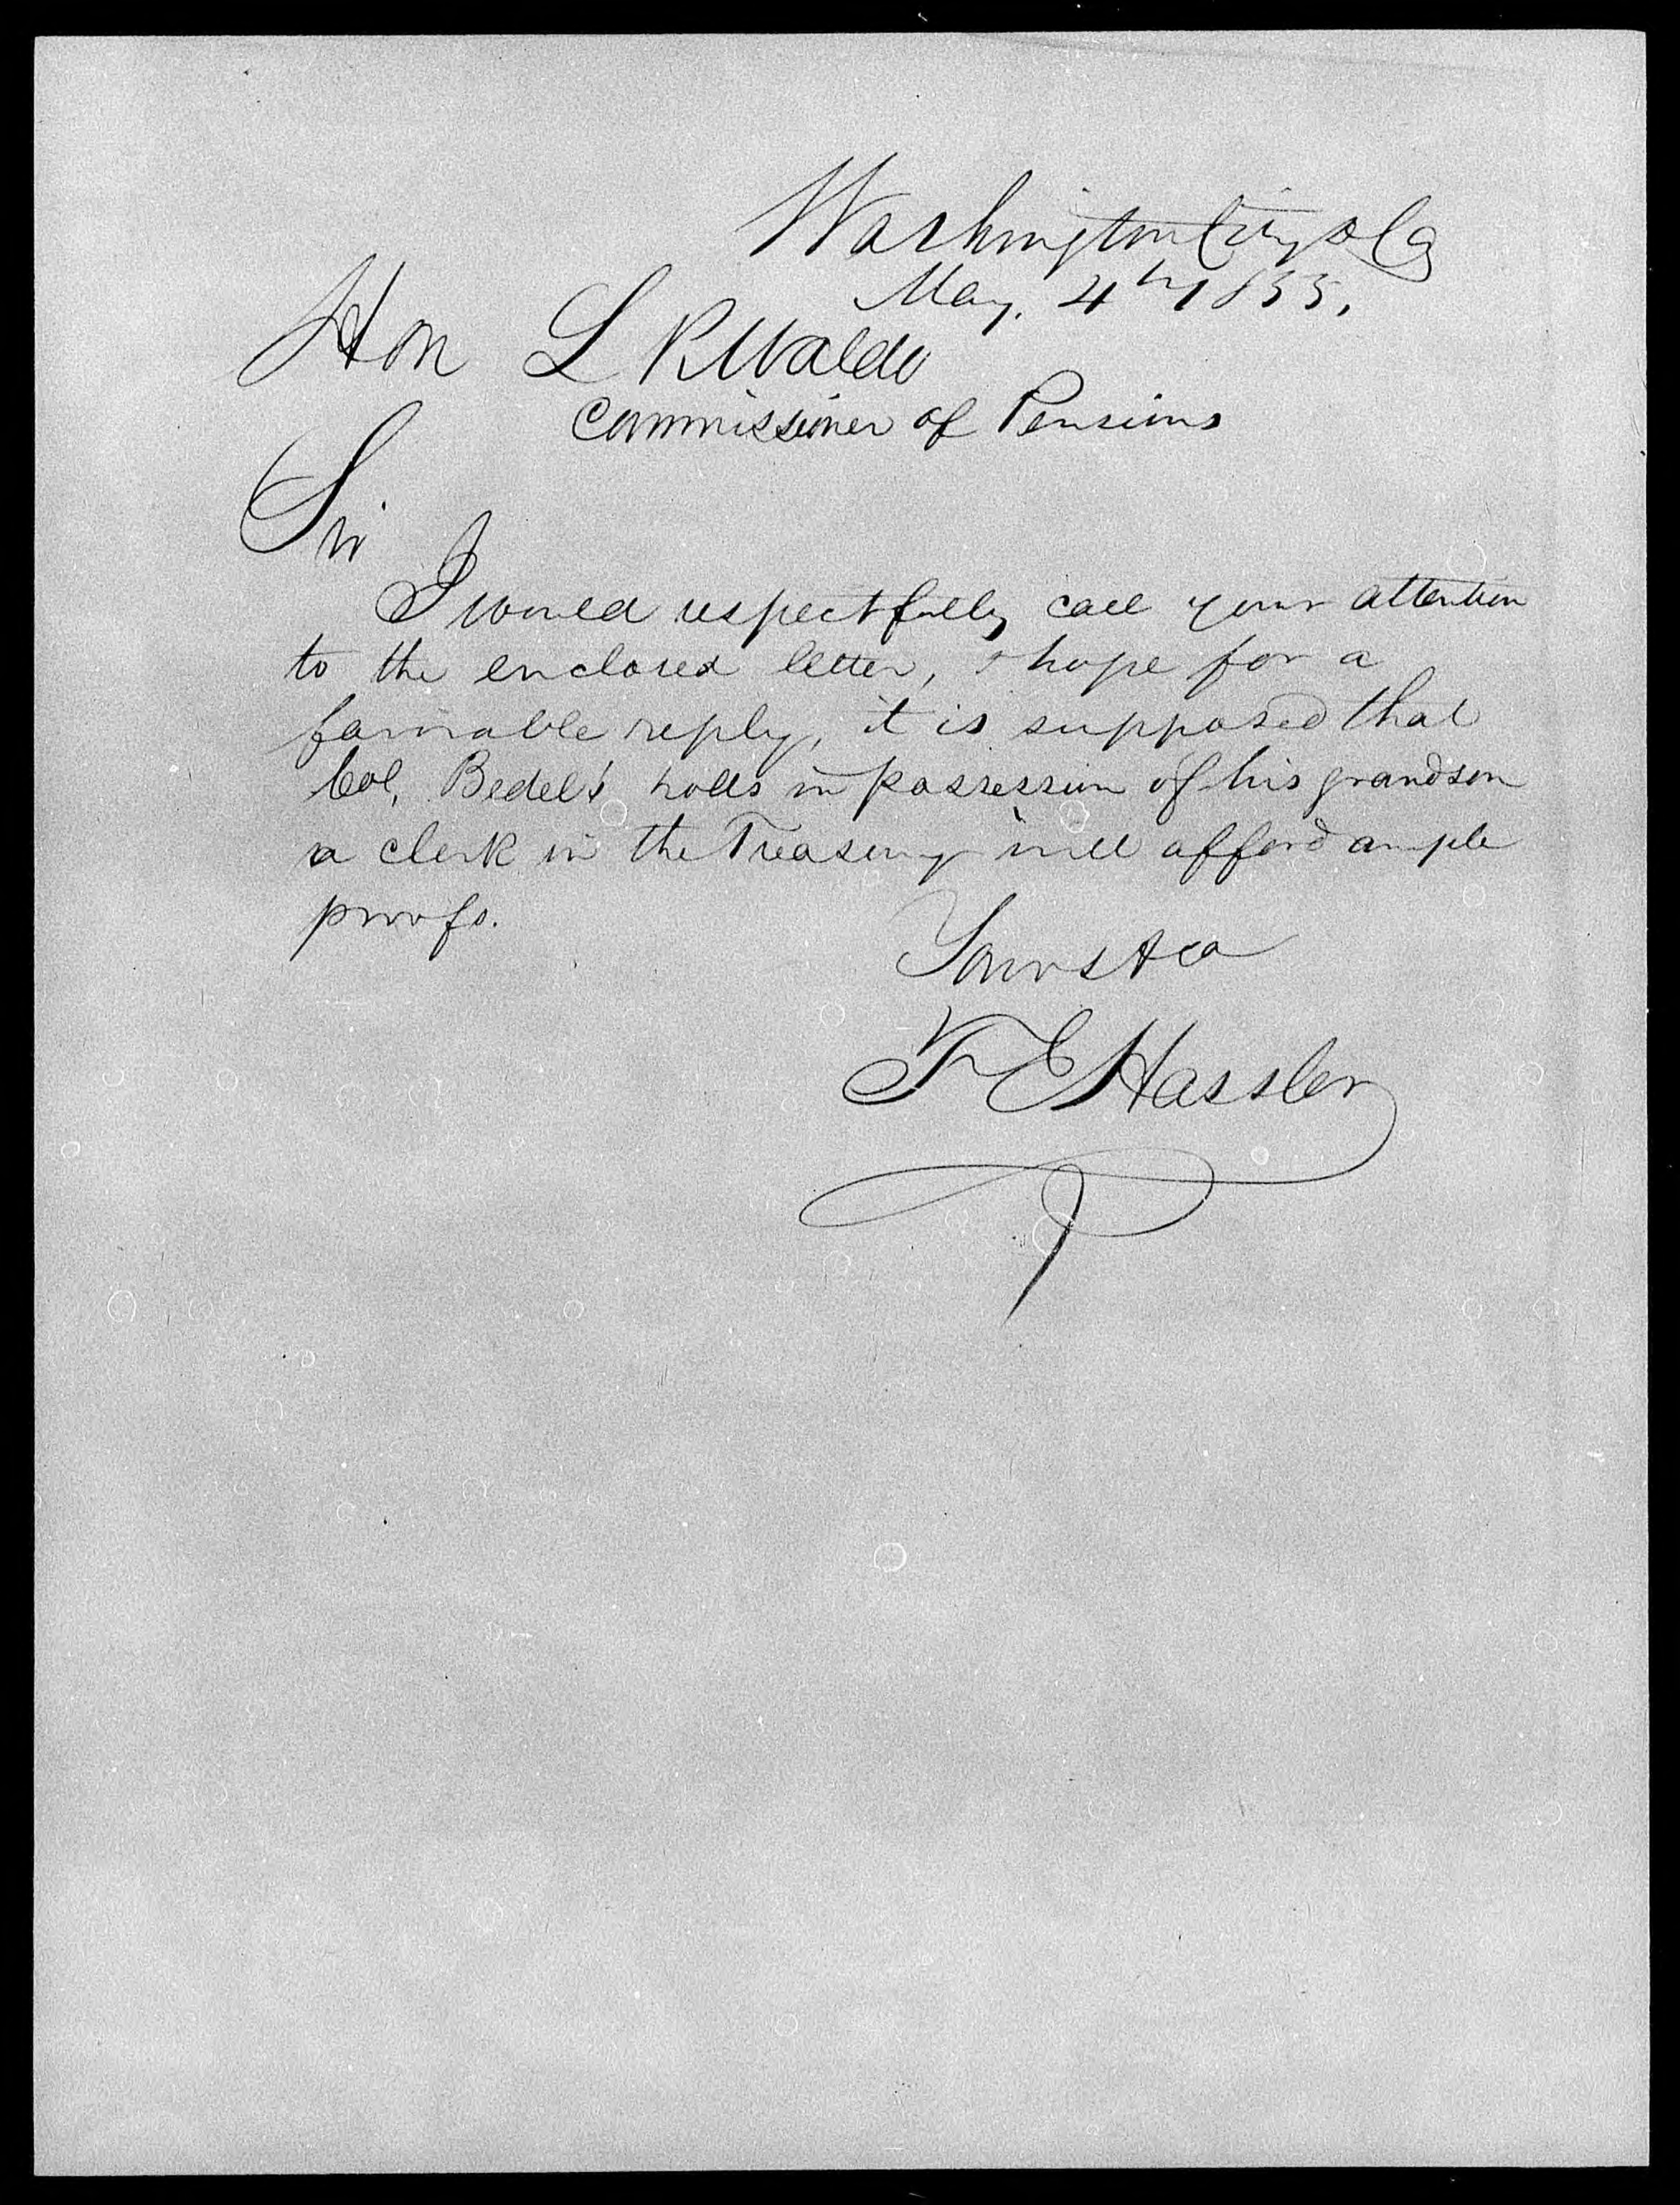Washington City DC
May 4th 1833,
Hon L P Waldo
Commissioner of Pensions Sir, I would respectfully call your attention to the enclosed letter, & hope for a favorable reply, it is supposed that Col. Bedel's holds in possession of his grandson
a clerk in the Treasury will afford ample
proofs.
Yours
F E Hassler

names: L R Waldo; F E Hassler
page: 5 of 14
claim: rejected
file: R 5922, for Jonathan Kimball, New Hampshire